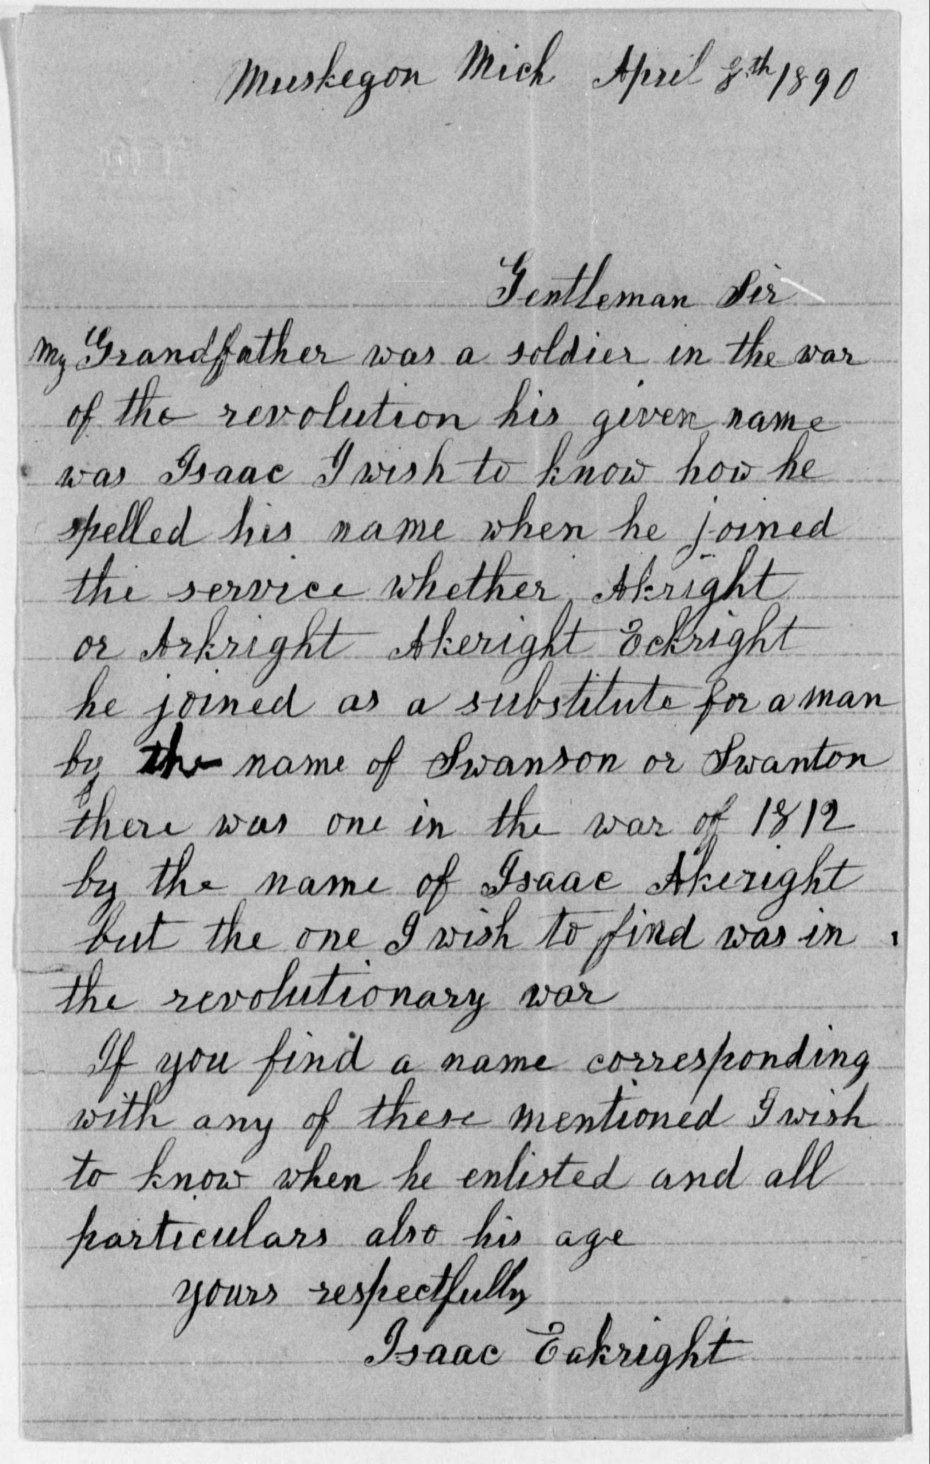Muskegon Mich, April 8th 1890

Gentleman Sir

My grandfather was a soldier in the war of the revolution his given name was Isaac I wish to know how he spelled his name when he joined the service whether Akright or Arkright, Akeright, Eckright. He joined as a substitute for a man by the name of Swanson or Swanton. There was one in the war of 1812 by the name of Isaac Akeright but the one I wish to fin was in the revolutionary war.

If you find a name corresponding with any of these mentioned I wish to know when he enlisted and all particulars also his age.

Yours respectfully

Isaac Eakright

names: Isaac, Akright, Swanson, Swanton, Eckright, Isaac Eakright, Akeright, Arkright, Isaac Akeright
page: 14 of 15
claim: rejected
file: R. 22, Isaac Ackright, Md.